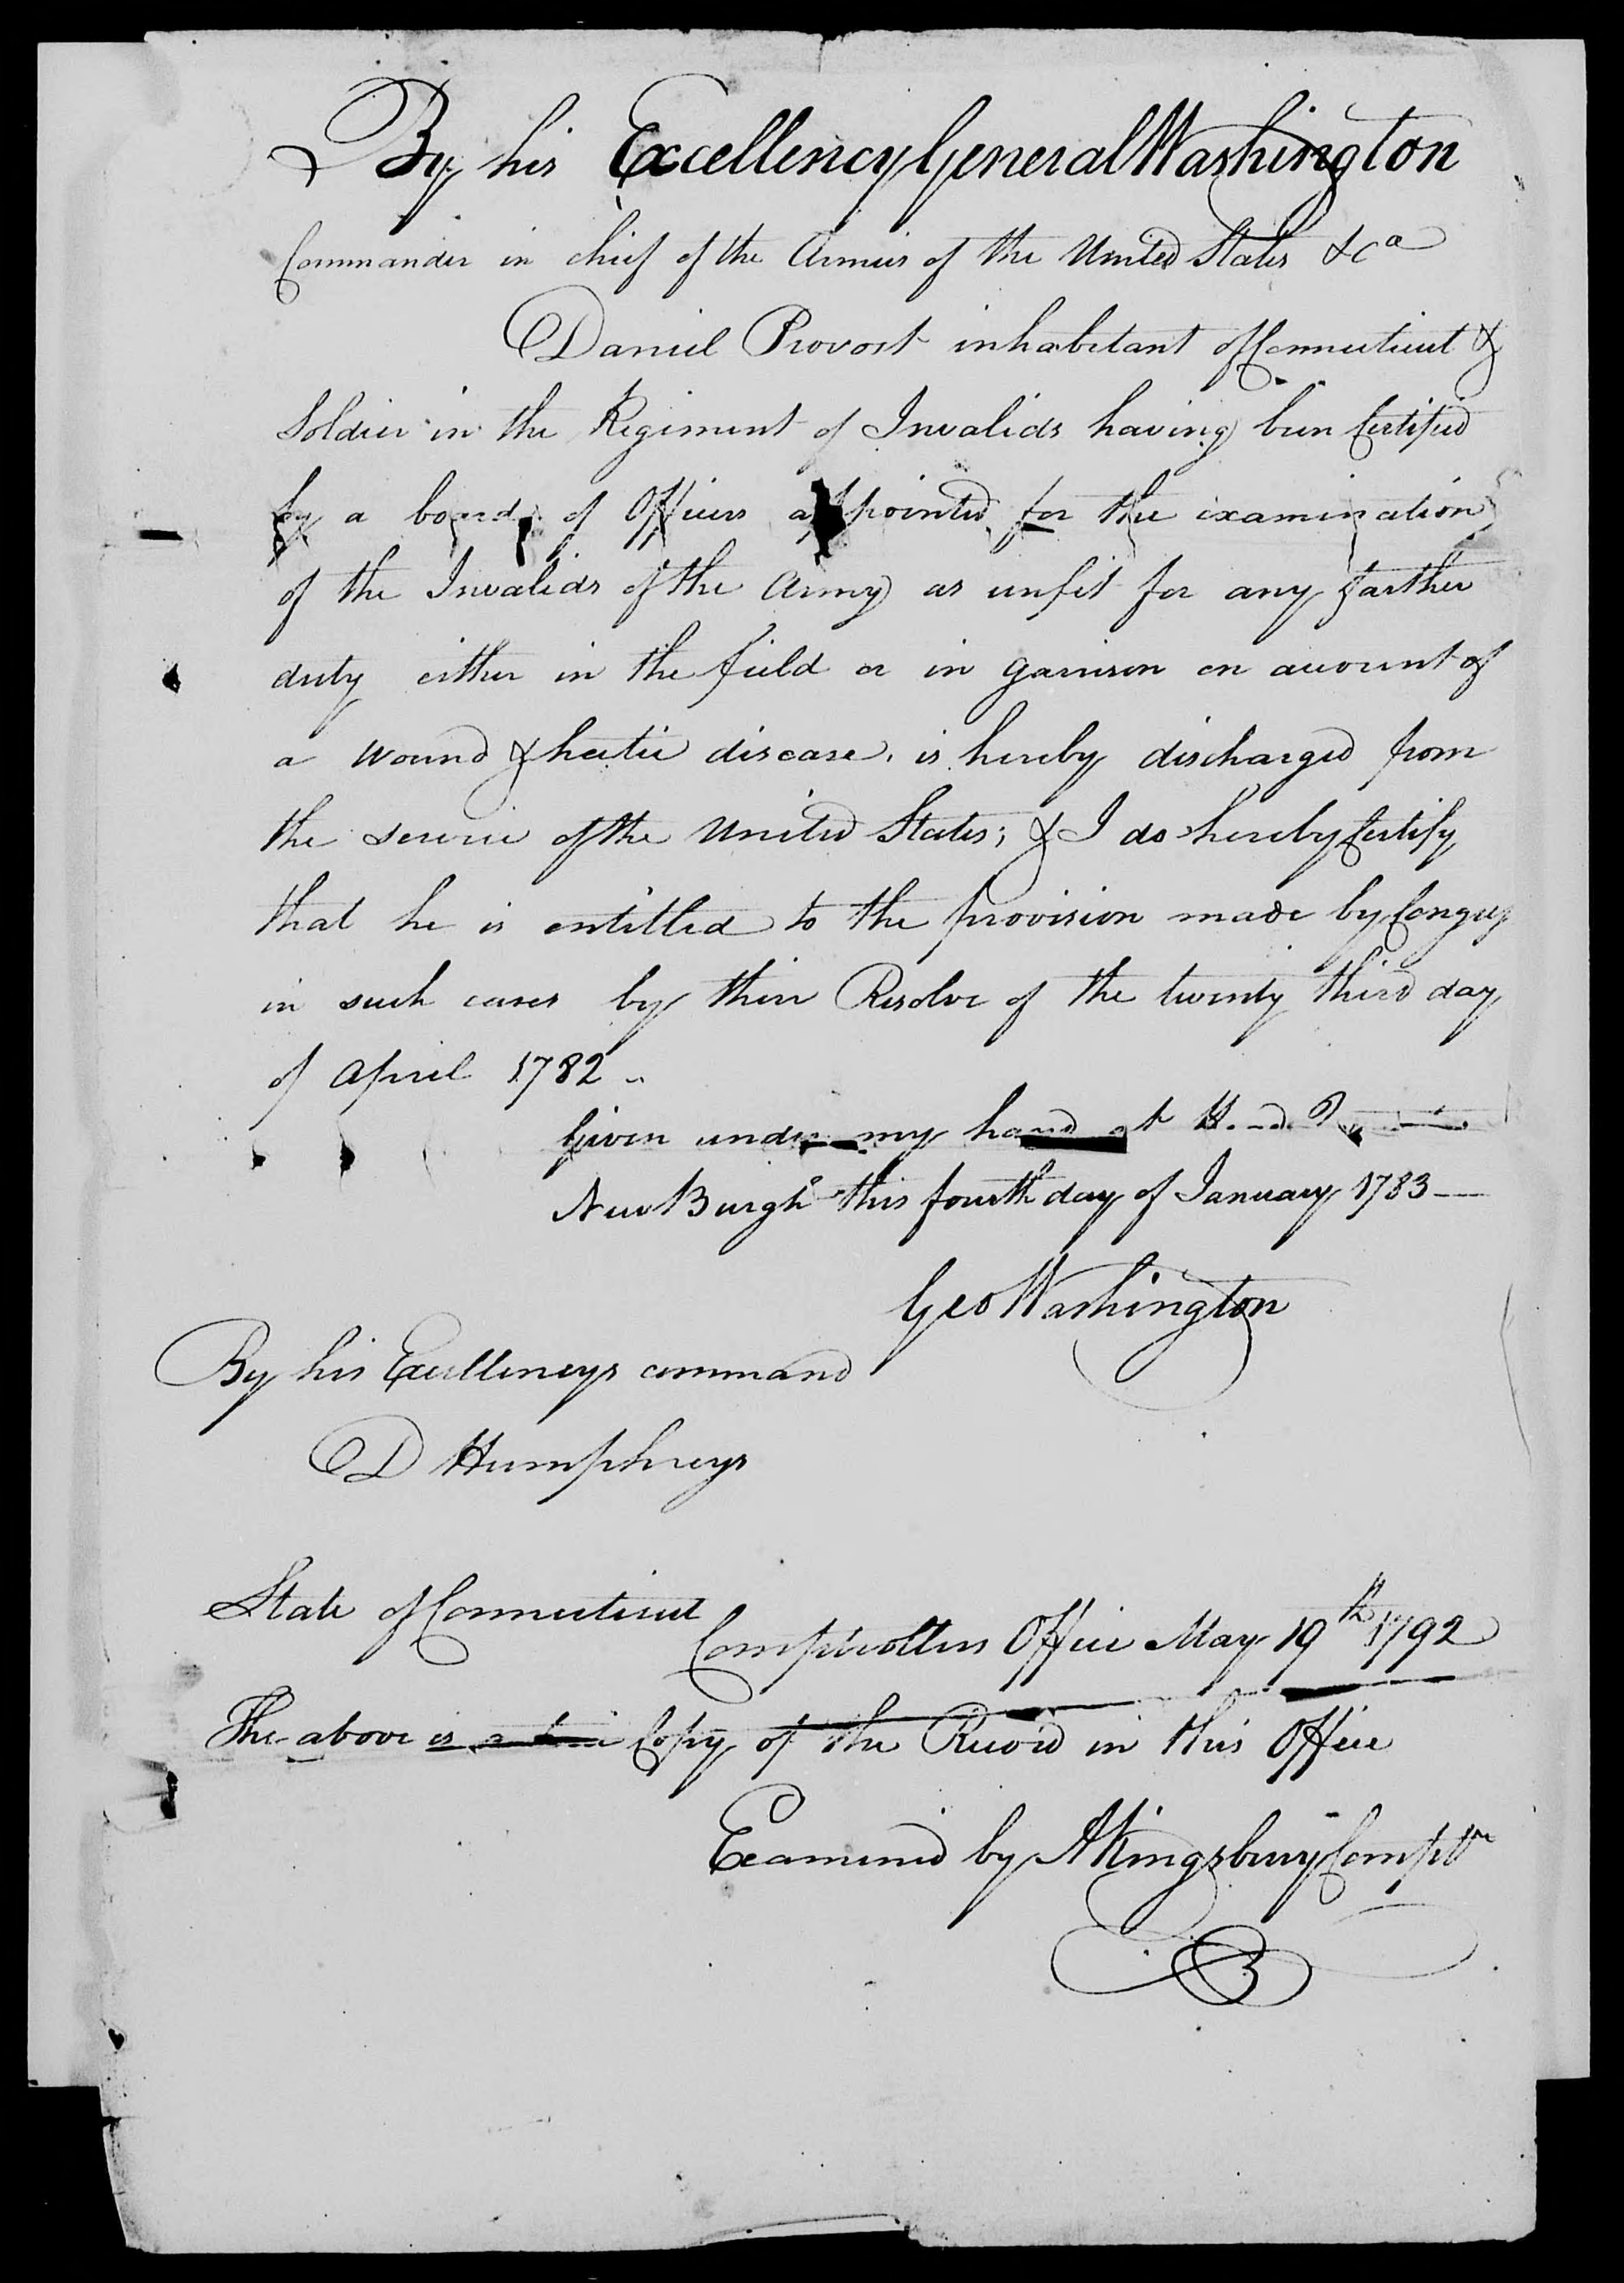By his Excellency General Washington
Commander in chief of the Armies of the United States &c
Daniel Provost inhabitant of Connecticut &
Soldier in the Regiment of Invalids having been certified
by a board of Officers appointed for the examination
of the Invalids of the Army as unfit for any farther
duty either in the field or in Garrison on account of
a wound & [illegible] disease is hereby discharged from
the service of the United States; & I do hereby certify
that he is entitled to the provision made by Congress
in such cases by their Resolve of the twenty third day
of April 1782
Given under my hand [illegible]
New Burgh this fourth day of January 1783-
Geo Washington
his Excellency's command
D Humphreys
State of Connecticut
Comptrollers Office May 19th 1792
The above is a true copy of the Record in this Office
Examined by A Kingsbury Comptr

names: D Humphreys; Daniel Provost; Geo Washington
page: 24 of 24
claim: survivor's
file: S. 20,926, for Daniel Provost, Connecticut